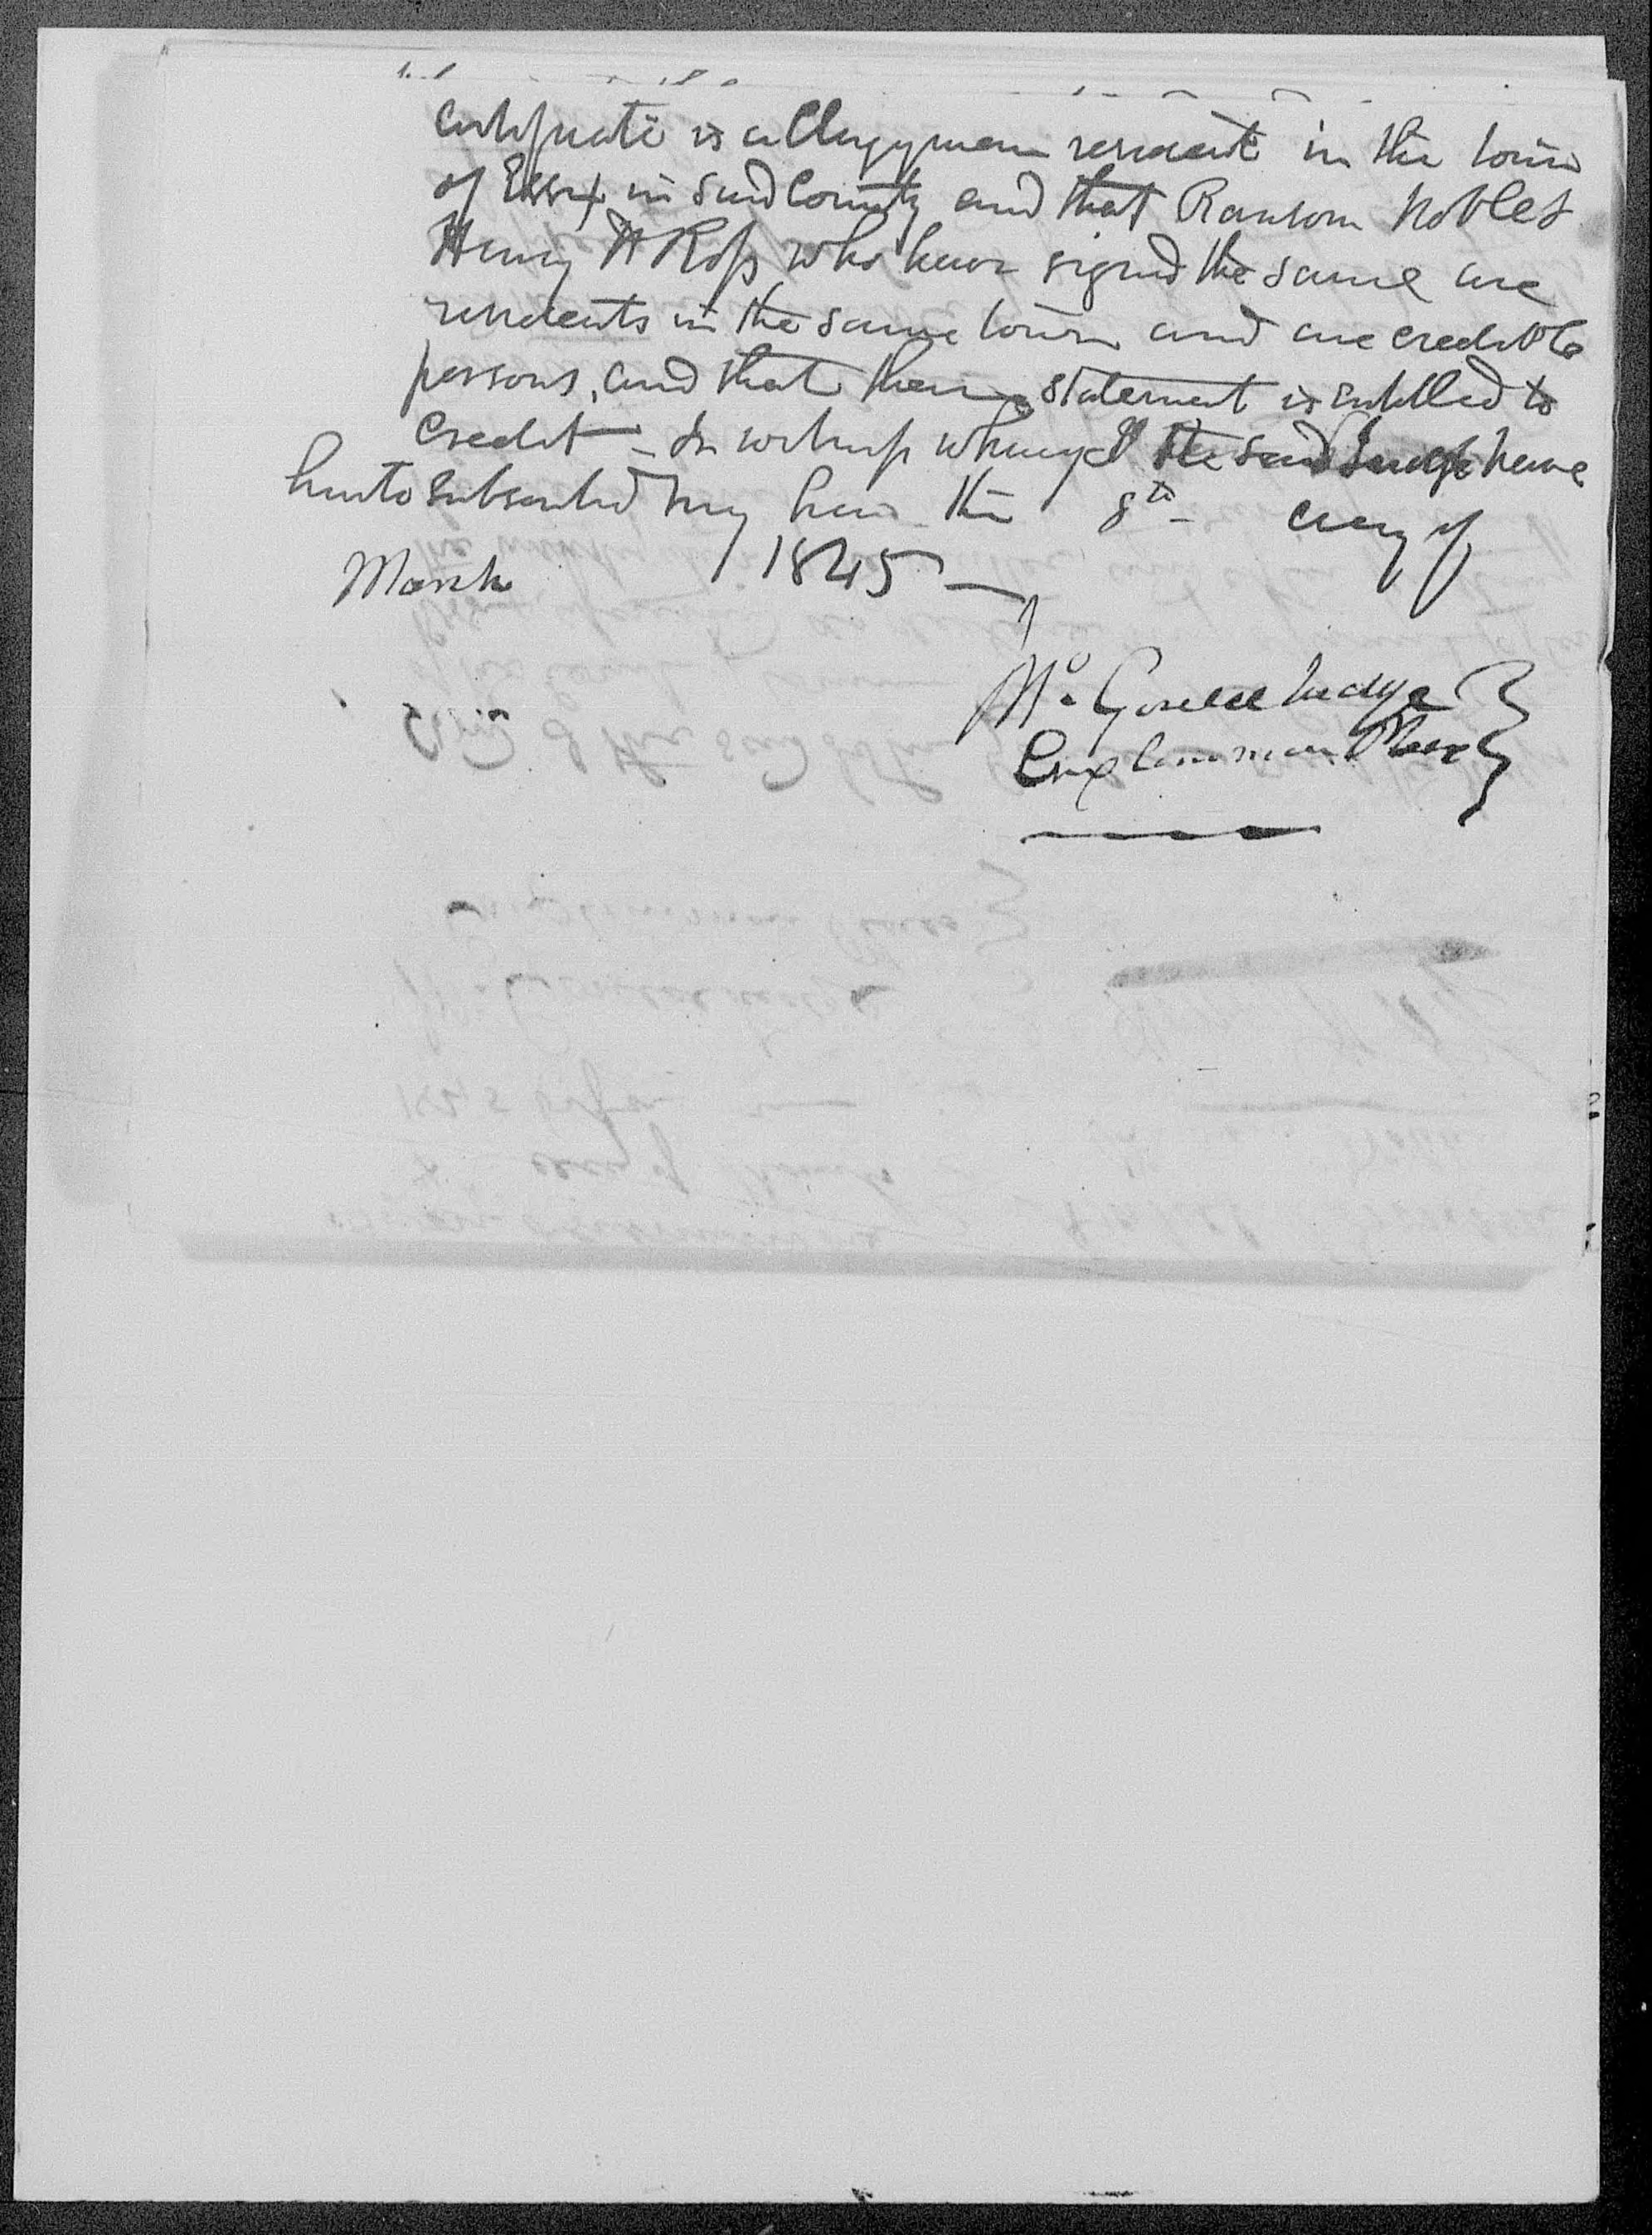certificate is a Clergyman resident in the town of Essex in said County and that Ransom Noble & Henry H Ross who have signed the same are residents in the same town and are credible persons, and that their statement is entitled to Credit. 
In witness whereof I have hereto subscribed my hand this 8th day of  March 1845
Jno Gould Judge
Court Common Pleas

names: Henry H Ross, Jno Gould, Ransom Noble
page: 11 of 51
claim: widow's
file: W. 1698, Oliver Barker, Conn.